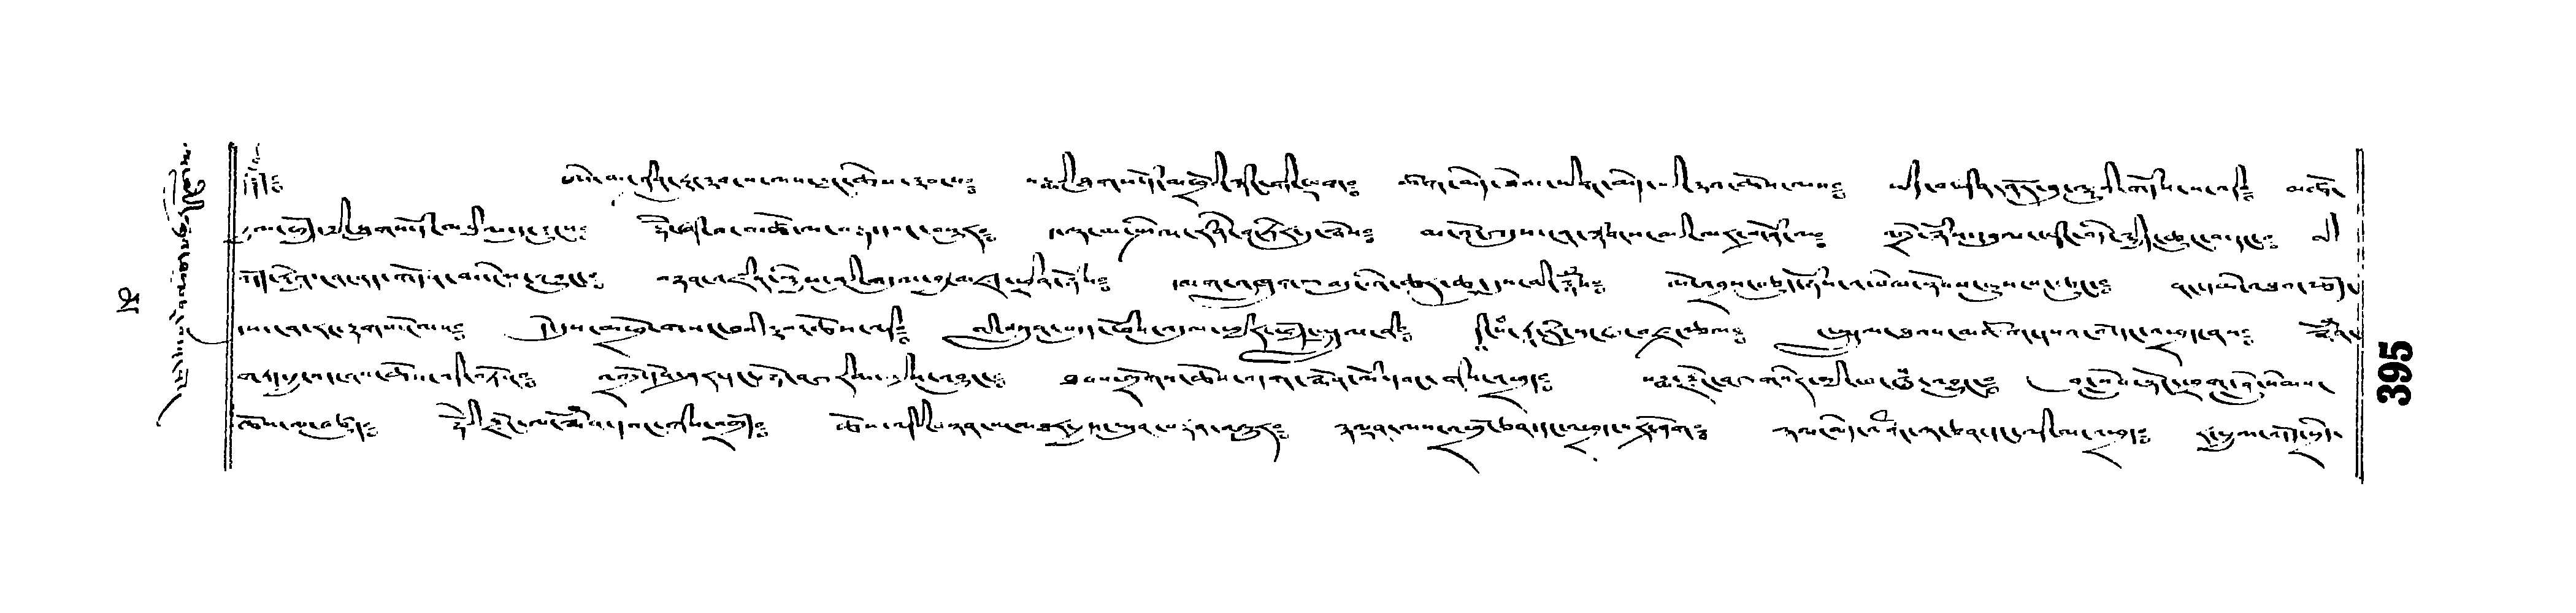ཨེ་མ་ཤིན་ཏུ་ཟབ་པ་ལས་ཀྱང་ཆེས་ཟབ་པ༔ པདྨའི་ཐུགས་དམ་མཁའ་འགྲོའི་སྙིང་གི་ཁྲག༔ ཚག་མེད་ཐེམ་ཡིག་མེད་པའི་ཟབ་ཆོས་ལས༔ ཡིད་བཞིན་ནོར་བུ་ལྟ་བུའི་གདམས་པ་འདི༔ མཚོ་
རྒྱལ་ཁྱོད་ཀྱི་ཐུགས་དམ་མཐིལ་དུ་ཟུངས༔ རྡོ་རྗེ་ཞི་བ་མཚོ་ལ་བརྡ་དབང་བསྐུར༔ ད་ལྟ་མ་སྤེལ་རིན་ཆེན་གཏེར་དུ་སྦོས༔ མ་འོངས་འདུས་ངན་སྙིགས་མའི་མར་གཤམ་ལ༔ འགྲོ་རྣམས་དབུལ་ཞིང་བདེ་སྐྱིད་ཆུང་བ་དང༔ མི་
འདོད་རྐྱེན་ངན་ནད་གདོན་མ་ངེས་འབྱུང༔ བསྟན་འཛིན་སྐྱེས་བུའི་འདུལ་བྱ་མཛད་ཕྲིན་ཉམས༔ དམག་འཁྲུགས་མུ་གེ་ཆར་ཆུ་དུས་མི་སྙོམས༔ ལོ་འབྲས་བཅུད་ཉམས་འཕེལ་སྟོབས་ནུས་པ་ཆུང༔ ནང་དམེ་འཐབ་རྩོད་
དུས་ངན་རང་རྟགས་ངོམས༔ དེ་དུས་མཁའ་འགྲོ་གསང་བའི་ཟས་ཆོས་འདི༔ མི་བསྲུན་བདུད་ཁམས་འདུལ་ཕྱིར་ཁྱོད་སྤྲུལ་ནི༔དཱི་པཾ་ཏཱ་རེ་སུ་ཁ་བཛྲ་རྩལ༔ ང་སྤྲུལ་ཐབས་མཆོག་དཔའ་བོ་དང་འཕྲད་ནས༔ སྨོན་ལམ་
གཏད་རྒྱ་སད་ནས་ཆོས་འདི་བཏོན༔ འགྲོ་དོན་ཤར་དང་ལྷོ་ནས་རིམ་གྱིས་འབྱུང༔ ཐབས་གྲོགས་ཆོས་བདག་སྨོན་ལམ་དབང་གིས་འཕྲད༔ པདྨ་རྫོང་ནས་གསེར་གྱི་ཕ་ཝཾ་འབྱུང༔ བུ་སློབ་སྟོང་ཕྲག་བློ་སེམས་
ཆོས་ལ་བཙུད༔ རྡོ་རྗེའི་རྫོང་ལ་སྨོན་ལམ་དབང་གིས་འགྲོད༔ ཆོས་འདིའི་བསྟན་པ་མཐར་རྒྱས་ཡུན་བརྟན་འགྱུར༔ སྐལ་ལྡན་ལས་འཕྲོ་ཅན་དང་འཕྲད་པར་ཤོག༔ སྐལ་མེད་ལོག་ལྟ་ཅན་དང་འདི་མ་འཕྲད༔ རང་རྒྱལ་འདོད་སྲེད་